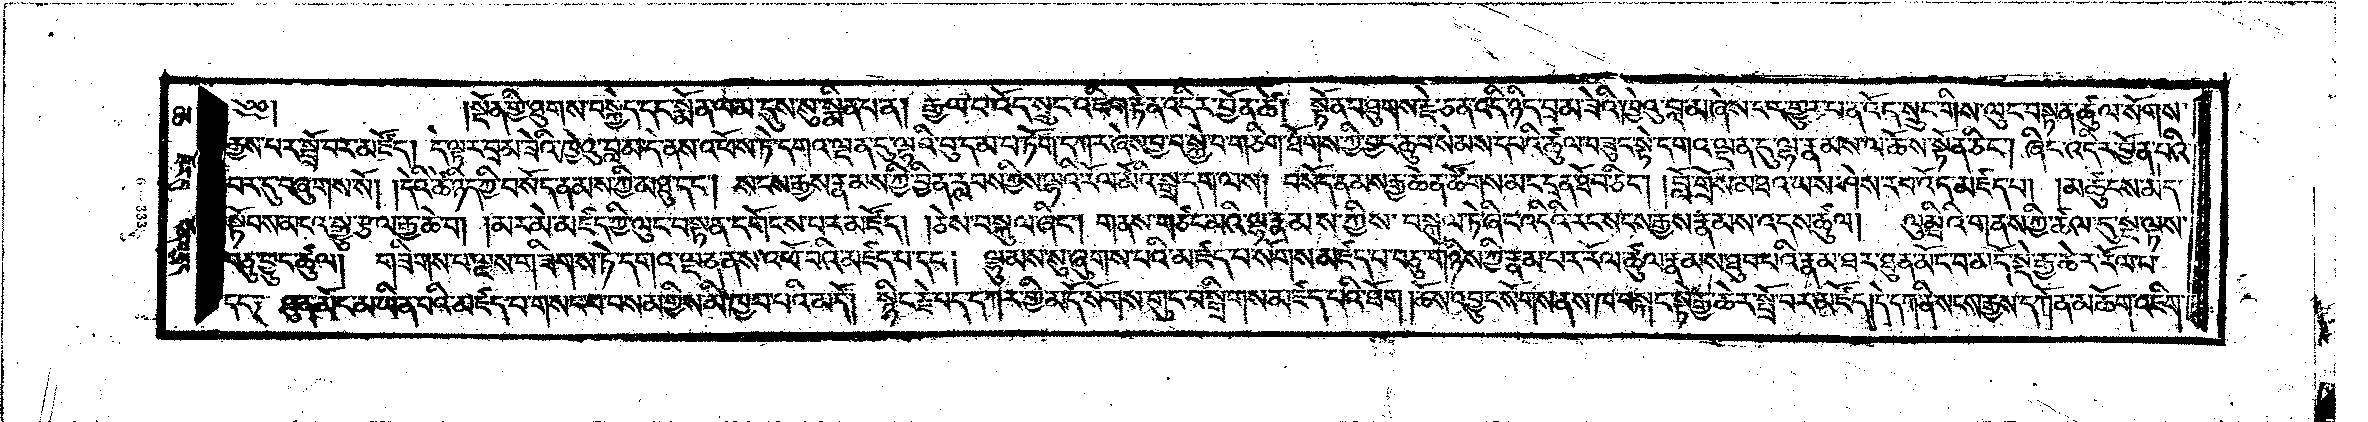༄༅། །སྔོན་གྱི་ཐུགས་བསྐྱེད་དང་སྨོན་ལམ་དུས་སུ་སྨིན་པ་ན། རྒྱལ་བ་འོད་སྲུང་འཇིག་རྟེན་འདིར་བྱོན་ཚེ། སྟོན་པ་ཐུགས་རྗེ་ཅན་འདི་ཉིད་བྲམ་ཟེའི་ཁྱེའུ་བླ་མ་ཞེས་དབང?་གྱུར་པ་ན་འོད་སྲུང་གིས་ལུང་བསྟན་ཚུལ་སོགས་
རྒྱས་པར་སྦྲོ་བར་མཛོད། དེ་ལྟར་བྲམ་ཟེའི་ཁྱེའུ་བླ་མ་དེ་ནས་འཕོས་ཏེ་དགའ་ལྡན་དུ་ལྷའི་བུ་དམ་པ་ཏོག་དཀར་ཞེས་བྱ་བ་སྐྱེ་བ་གཅིག་ཐོགས་ཀྱི་བྱང་ཆུབ་སེམས་དཔའི་ཚུལ་བཟུང་སྟེ་དགའ་ལྡན་དུ་ལྷ་རྣམས་ལ་ཆོས་སྟོན་ཅིང་། ཞིང་འདིར་བྱོན་པའི་
བར་དུ་བཞུགས་སོ། །དེའི་ཚེ་ཉིད་ཀྱི་བསོད་ནམས་ཀྱི་མཐུ་དང་། སངས་རྒྱས་རྣམས་ཀྱི་བྱིན་རླབས་ཀྱིས་ལྷའི་རོལ་མོའི་སྒྲ་དག་ལས། བསོད་ནམས་རྒྱ་ཆེན་ཚོགས་མང་དྲན་ཐོབ་ཅིང་། །བློ་གྲོས་མཐའ་ཡས་ཤེས་རབ་འོད་མཛད་པ། །མཚུངས་མེད་
སྟོབས་མངའ་སྒྱུ་རྩལ་རྒྱ་ཆེ་བ། །མར་མེ་མཛད་ཀྱི་ལུང་བསྟན་དགོངས་པར་མཛོད། །ཅེས་བསྐུལ་ཞིང་། གནས་གཙང་མའི་ལྷ་རྣམས་ཀྱིས་བསྐུལ་ཏེ་ཞིང་འདིའི་རང་སངས་རྒྱས་རྣམས་འདས་ཚུལ། ལུམྦིའི་གནས་ཀྱི་ཚལ་དུ་སྔ་ལྟས་
བཅུ་བྱུང་ཚུལ། གཟིགས་པ་ལྔས་གཟིགས་ཏེ་དགའ་ལྡན་ནས་འཕོ་བའི་མཛད་པ་དང་། ལྷུམས་སུ་ཞུགས་པའི་མཛད་པ་སོགས་མཛད་པ་བཅུ་གཉིས་ཀྱི་རྣམ་པར་རོལ་ཚུལ་རྣམས་ཐུབ་པའི་རྣམ་ཐར་ཐུན་མོང་བ་མདོ་སྡེ་རྒྱ་ཆེར་རོལ་པ་
དང༑ ཐུན་མོང་མ་ཡིན་པའི་མཛད་པ་གསང་བ་བསམ་གྱིས་མི་ཁྱབ་པའི་མདོ། སྙིང་རྗེ་པད་དཀར་གྱི་མདོ་སོགས་གུང་བསྒྲིགས་མཛད་པའི་ཐོག །ཆོས་འབྱུང་སོགས་ནས་ཁ་བསྐང་སྟེ་རྒྱ་ཆེར་སྤྲོ་བར་མཛོད། དེ་དག་ནི་སངས་རྒྱས་དཀོན་མཆོག་འཇིག་